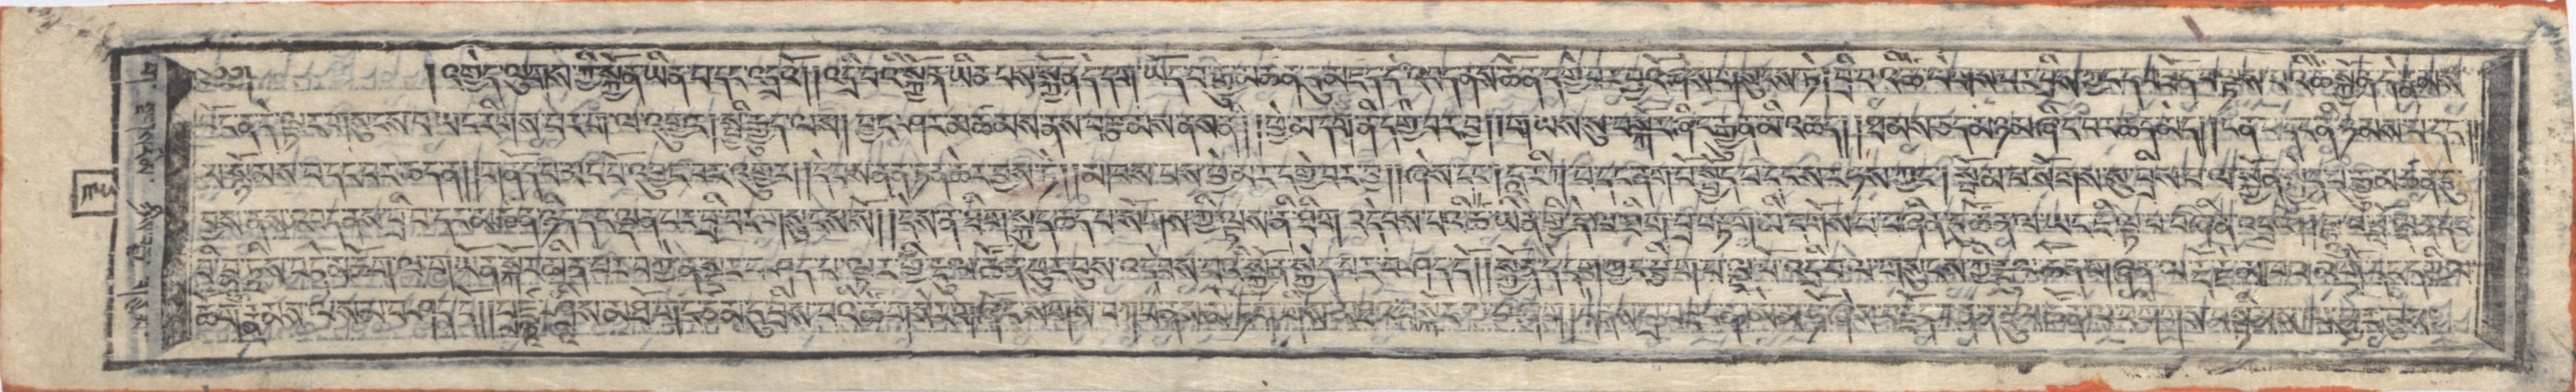༄༅། །འགྱེད་ལུགས་ཀྱི་སྐྱོན་ཡིན་པ་དང་འདྲའོ། །འདྲི་བའི་སྐྱོན་ཡིན་པས་སྐྱོན་དེ་དག་ཡོད་པ་རྒྱུ་མཚན་དུ་མཛད་དེ་འབད་ནས་ཚོན་དགྱེ་བར་བྱའོ་ཞེས་གསུངས་ཏེ། བྲི་བའི་ཚེ་ལེགས་པར་བྲིས་ཀྱང་ད་བཟོད་བལྟས་པའི་ཚེ་སྐྱོན་དེ་རྣམས་
འོང་ན་དེ་ལྟར་གསུངས་པ་ཡང་རིགས་པར་ག་ལ་འགྱུར། སྤྱི་རྒྱུད་ལས། བྱང་ཤར་མཚམས་ནས་བརྩམས་ནས་ནི། །ཕྱེ་མ་དག་ནི་དགྱེ་བར་བྱ། །གཡས་སུ་བསྐོར་ཞིང་རྒྱུན་མི་འཆད། །ཐམས་ཅད་མཉམ་ཞིང་བར་ཆད་མེད། །ངན་པ་དང་ནི་ཉམས་པ་དང།།
མ་སྙོམས་པ་དང་བར་ཆད་ན། །གནོད་པ་མང་པོ་འབྱུང་བར་འགྱུར། །དེ་བས་ནན་ཏན་ཆེར་བྱས་ཏེ། །མཁས་པས་ཕྱེ་མར་དགྱེ་བར་བྱ། །ཞེས་དང་། དཱ་རི་ཀ་པ་དང་ནག་པོ་སྤྱོད་པ་དང་ས་ར་ཧས་ཀྱང་། སྦོམ་པ་སོགས་སུ་བྲིས་པ་ལ་སྐྱོན་སྐྱེད་པ་རྒྱུ་མཚན་དུ་
བྱས་ནས་འབད་ནས་བྲི་བ་དང་མཚན་ཉིད་དང་ལྡན་པར་བྲི་བར་གསུངས་སོ། །དེས་ན་ཐིག་སྐུད་ཆད་པ་སོགས་ཀྱི་ལྟས་ནི་ཐིག་འདེབས་པའི་ཚེ་ཡིན་གྱི་དེ་ལ་ཐིག་པྲ་བརྟག་མི་དགོས་པ་བཞིན་དུ་ཚོན་ལ་ཡང་ཇི་ལྟ་བ་བཞིན་འདྲའོ། །བྷཱུ་བ་བློ་ལྡན་དང་
བི་བྷཱུ་ཏཱིས་བདེ་མཆོག་ལ་གཡོན་སྐོར་མིན་པར་བཀྱེ་ན་སྔར་བཤད་པ་ལྟར་གྱི་རྡུལ་ཚོན་ཕུར་བུས་འདེབས་པའི་སྐྱོན་སྐྱེད་པར་བཤད་དོ། །སྐྱོན་དེ་དག་ཀྱང་རྩིག་པ་ལྔ་པོ་འདྲི་བ་ལ་གསུངས་ཀྱི་རྡུལ་ཚོན་གཞན་ལ་རྡོ་རྗེ་མཁའ་འགྲོ་དང་དཀྱིལ་
ཆོག་རྣམས་ལས་མ་བཤད་དོ། །པྲཛྙཱ་ཤྲཱིས་མཐོ་གང་ཙམ་དུ་བྲིས་པའི་ཚེ་གསེར་གཞོང་སོགས་བཀབ་ནས་མེ་ཏོག་གིས་མཐའ་བསྐོར་ལ་བཞག །དེ་ནས་པྲ་བཟང་ན་ཨེ་མ་ཧོ་ཞེས་བརྗོད་ངན་ན་རྡུལ་ཚོན་ལ་བགེགས་བསྟིམས་ལ་ཕུར་བུས་